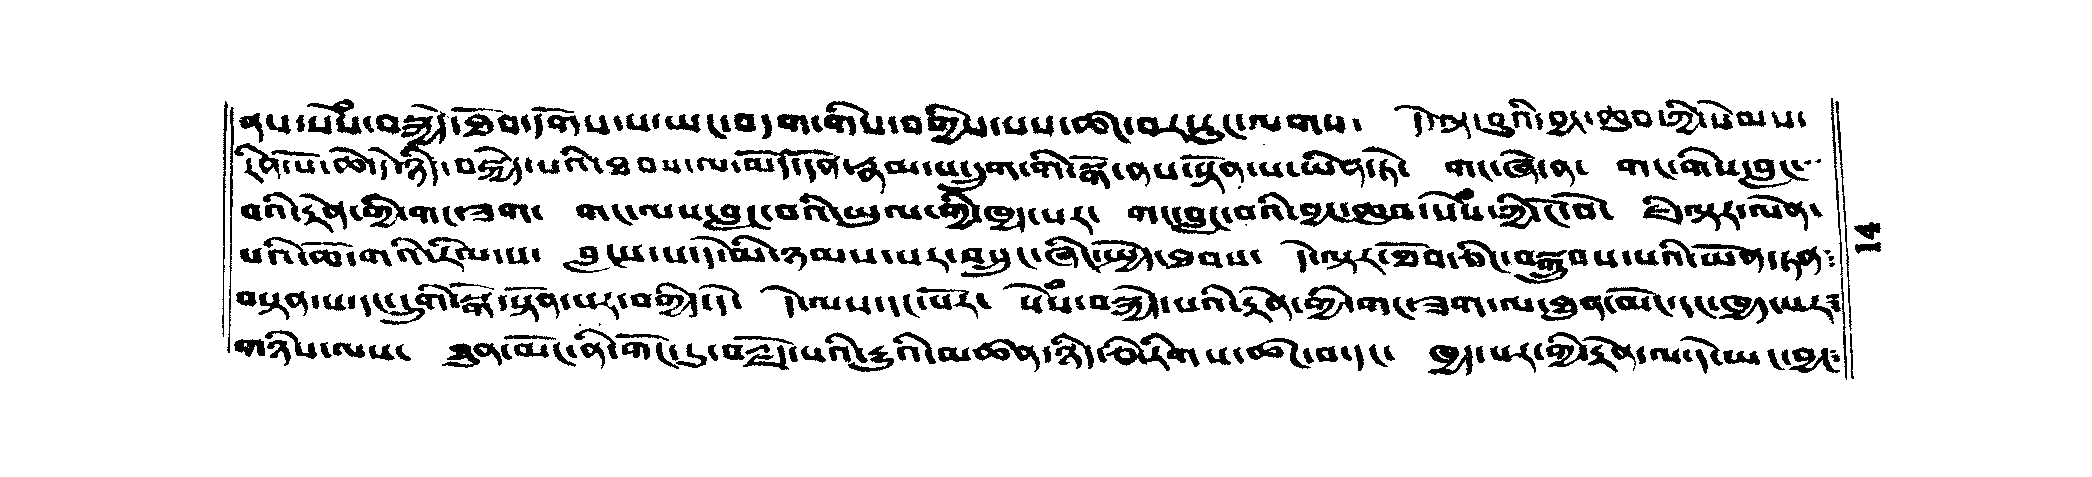ནས་སེམས་བསྐྱེད་ཐོབ་དགོས་པ་ཡང་བདག་གིས་བགྱིས་པས་ཚང་བར་རུང་ལགས། དེ་ལྟ་བུའི་བྱང་ཆུབ་ཀྱི་སེམས་
རིན་པོ་ཆེ་དེ་ཉིད་བསྐྱེད་པའི་ཐབས་ལ་མོད་དོན་རྣམས་པ་དྲུག་གི་སྒོ་ནས་སྟོན་པ་ཡིན་ཏེ། གང་ཞཻ་ན། གང་གིས་བླང་
བའི་རྟེན་གྱི་གང་ཟག གང་ལས་བླ་བའི་ཡུལ་གྱི་ཁྱད་པར། གང་བླང་བའི་བྱང་ཆུབ་སེམས་ཀྱི་ངོ་བོ། ཇི་ལྟར་ལེན་
པའི་ཆོ་གའི་རིམ་པ། བླངས་པ་དེ་མི་ཉམས་པར་བསྲུང་ཞིང་སྤྱོད་ཐབས། དེ་ལྟར་ཐོབ་ཅིང་བསྒྲུབས་པའི་ཡོན་ཏན་
བསྟན་པ་དང་དྲུག་གི་སྒོ་སྟོན་པར་བགྱིད་དོ། དེ་ལས་དང་པོར། སེམས་བསྐྱེད་པའི་རྟེན་གྱི་གང་ཟག་ལ་ཐུན་མོང་དང་ཁྱད་པར་
གཉིས་ལས། ཐུན་མོང་ནི་གོང་དུ་བརྗོད་པའི་རྒྱུའི་མཚན་ཉིད་ཅི་རིགས་ཚང་བ་དང་། ཁྱད་པར་གྱི་རྟེན་ལ་དེ་ཡང་བྱང་